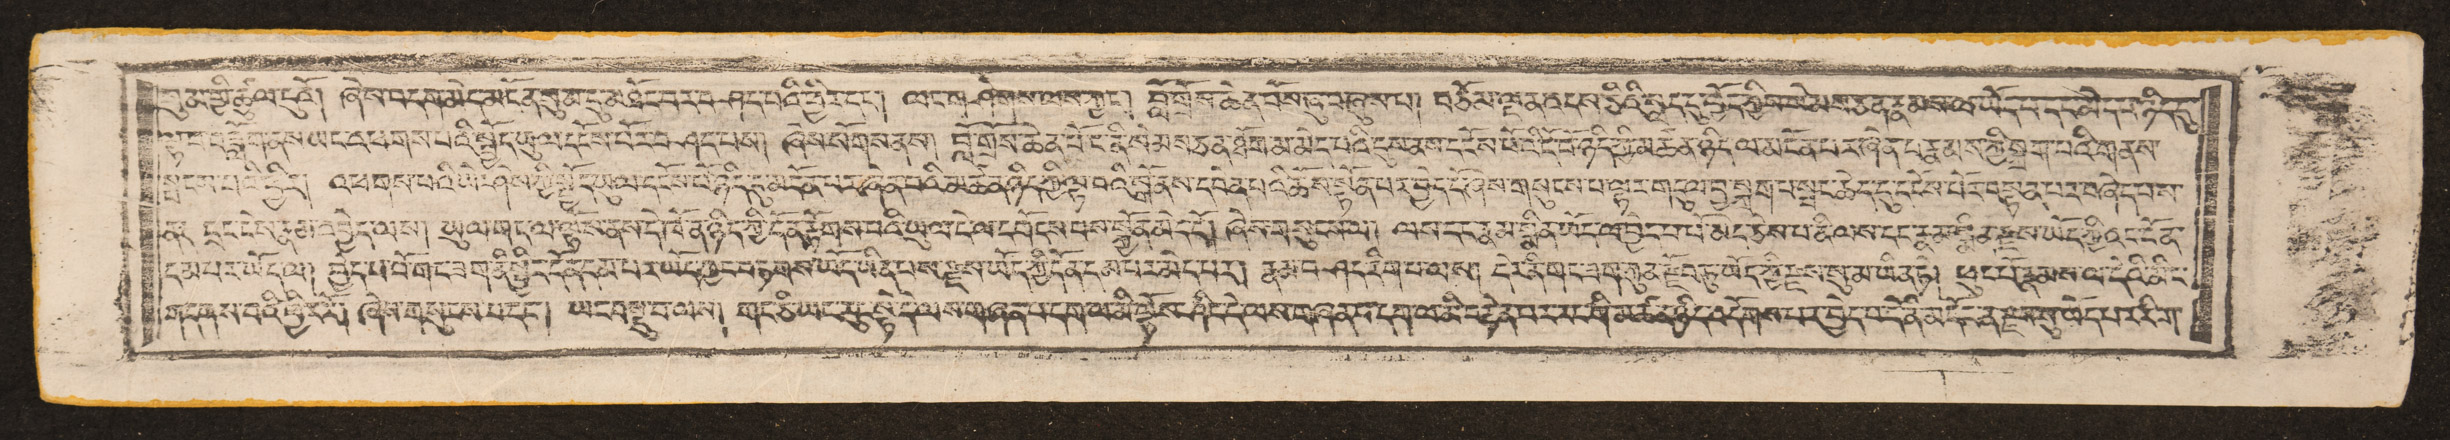སུམ་གྱི་ཚུལ་དུའོ། ཞེས་བདག་མེད་མངོན་སུམ་དུ་མཐོང་བར་བཤད་པའི་ཕྱིར་དང་། ལང་གཤེགས་ལས་ཀྱང་། བློ་གྲོས་ཆེན་པོས་ཞུབ་ཞུས་པ། བཅོམ་ལྡན་འདས་ཅིའི་སླད་དུ་ཁྱོད་ཀྱིས་སེམས་ཅན་རྣམས་ལ་ཡོད་པ་དང་མེད་པ་ཉིད་དུ་
ལྟ་བ་བཟློག་ནས་ཡང་འཕགས་པའི་སྤྱོད་ཡུལ་དངོས་པོར་བཤད་པས། ཞེས་སོགས་ནས། བློ་གྲོས་ཆེན་པོ་ང་ནི་སེམས་ཅན་ཐོག་མ་མེད་པའི་དུས་ནས་དངོས་པོའི་ངོ་བོ་ཉིད་ཀྱི་མཚན་ཉིད་ལ་མངོན་པར་ཞེན་པ་རྣམས་ཀྱི་སྐྲག་པའི་གནས་
སྤངས་པའི་ཕྱིར། འཕགས་པའི་ཡེ་ཤེས་ཀྱི་སྤྱོད་ཡུལ་དངོས་པོ་ཉིད་དུ་མངོན་པར་ཞེན་པའི་མཚན་ཉིད་ཀྱི་ལྟ་བའི་སྒོ་ནས་དབེན་པའི་ཆོས་སྟོན་པར་བྱེད་དོ་ཞེས་གསུངས་པ་ལྟར་གདུལ་བྱ་སྐྲག་པ་སྦང་ཆེད་དུ་དངོས་པོར་བསྟན་པར་བཞེད་པས་
ན༑ དྲང་ངེས་རྣམ་འབྱེད་ལས། ཡུལ་གང་ལ་ལྟོས་ནས་དེ་ཁོ་ན་ཉིད་ཀྱི་དོན་རྟོགས་པའི་ཡུལ་དེ་ལ་དགོངས་པས་སྐྱོན་མེད་དོ། ཞེས་གསུངས་ལ། ལས་དང་རྣམ་སྨིན་ཡོད་ལ་བྱེད་པ་པོ་མེད་ཅེས་པ་ནི་ལས་དང་རྣམ་སྨིན་རྫས་ཡོད་ཀྱིའང་དོན་
དམ་པར་ཡོད་ལ། བྱེད་པ་པོ་གང་ཟག་ནི་སྤྱིར་དོན་དམ་པར་ཡོད་ཀྱང་བཏགས་ཡོད་ཡིན་པས་རྫས་ཡོད་ཀྱི་དོན་དམ་པར་མེད་པར། རྣམ་བཤད་རིག་པ་ལས། དེར་ནི་གང་ཟག་ཀུན་རྫོབ་ཏུ་ཡོད་ཀྱི་རྫས་སུ་མ་ཡིན་ཏེ། ཕུང་པོ་རྣམས་ལ་དེའི་མིང་
གདགས་པའི་ཕྱིར་རོ། ཞེས་གསུངས་པ་དང་། ཡང་བསྡུ་བ་ལས། གང་ཅི་ཡང་རུང་སྟེ་དེ་ལས་གཞན་བདག་ལ་མི་ལྟོས་ཤིང་དེ་ལས་གཞན་པ་དག་ལ་མི་བརྟེན་པར་རང་གི་མཚན་ཉིད་འདོགས་པར་བྱེད་པ་དེ་ནི་མདོར་ན་རྫས་སུ་ཡོད་པར་རིག་